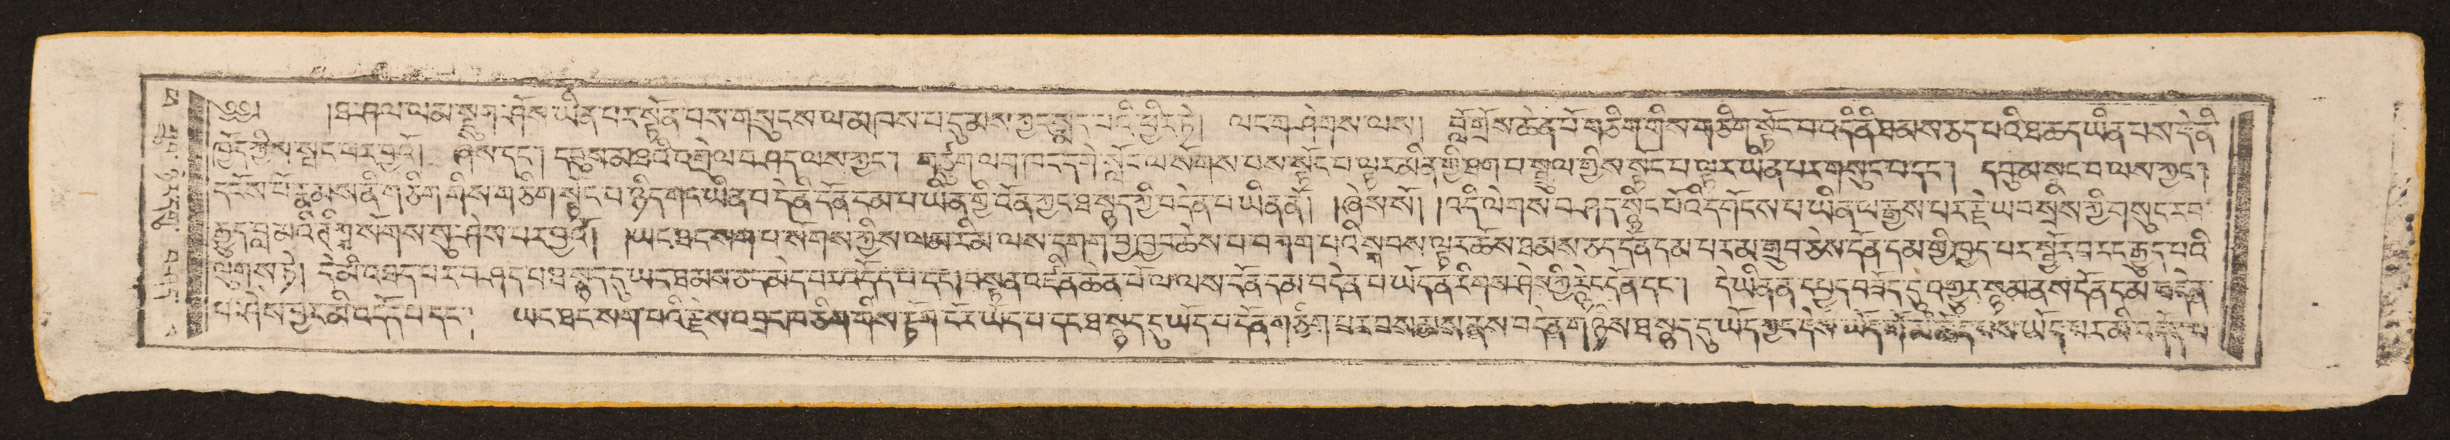༄༅། །ཐ་ཤལ་ལམ་སྡུག་ཤོས་ཡིན་པར་སྟོན་པས་གསུངས་ལ་མཁས་པ་དུམས་ཀྱང་སྨད་པའི་ཕྱིར་ཏེ། ལང་གཤེགས་ལས། བློ་གྲོས་ཆེན་པོ་གཅིག་གིས་གཅིག་སྟོང་པ་འདི་ནི་ཐམས་ཅད་པའི་ཐ་ཆད་ཡིན་པས་དེ་ནི་
ཁྱོད་ཀྱིས་སྤང་ཕར་བྱའོ། ཞེས་དང་། དབུས་མཐའི་འགྲེལ་བཤད་ལས་ཀྱང་། གཙུག་ལག་ཁང་དགེ་སློང་ལ་སོགས་པས་སྟོང་པ་ལྟར་མིན་གྱི་ཐག་པ་སྦྲུལ་གྱིས་སྟོང་པ་ལྟར་ཡིན་པར་གསུང་བ་དང་། དབུ་མ་སྡང་བ་ལས་ཀྱང་།
དངོས་པོ་རྣམས་ནི་གཅིག་གིས་གཅིག་སྟོང་པ་ཉིད་གང་ཡིན་པ་དེ་ནི་དོན་དམ་པ་ཡིན་གྱི་འོན་ཀྱང་ཐ་སྙད་ཀྱི་བདེན་པ་ཡིན་ནོ། །ཞེས་སོ། །འདི་ལེགས་བཤད་སྙིང་པོའི་དགོངས་པ་ཡིན་ལ་རྒྱས་པར་རྗེ་ཡབ་སྲས་ཀྱི་གསུང་རབ་
རྒྱུད་བླ་མའི་ཊིཀྐ་སོགས་སུ་ཤེས་པར་བྱའོ། །ཡང་ཐང་སག་པ་སོགས་ཀྱིས་ལམ་རིམ་ལས་དགག་བྱ་ཁྱབ་ཆེས་པ་བཀག་པའི་སྐབས་ལྟར་ཆོས་ཐམས་ཅད་དོན་དམ་པར་མ་གྲུབ་ཅེས་དོན་དམ་གྱི་ཁྱད་པར་སྦྱོར་བ་རང་རྒྱུད་པའི་
ལུགས་ཏེ། དེ་མི་འཐད་པར་བཤད་པ་ཐ་སྙད་དུ་ཡང་ཐམས་ཅད་མེད་པར་འདོད་པ་དང་། བསྟན་འཛིན་ཆེན་པོ་ལ་ལས་དོན་དམ་བདེན་པ་ཡོད་ན་རིགས་ཤེས་ཀྱི་རྙེད་དོན་དང་། དེ་ཡིན་ན་དཔྱད་བཟོད་དུ་འགྱུར་སྙམ་ནས་དོན་དམ་བདེན་
པ་ཤེས་བྱར་མི་འདོད་པ་དང་། ཡང་ཐང་སག་པའི་རྗེས་འབྲང་ཁ་ཅིག་གིས་རྟོག་ངོར་ཡོད་པ་དང་ཐ་སྙད་དུ་ཡོད་པ་དོན་གཅིག་པར་བསམས་ནས་བདེན་གཉིས་ཐ་སྙད་དུ་ཡོད་ཀྱང་དེས་ཡོད་གོ་མི་ཆོད་པས་ཡོད་པར་མི་འདོད་པ་